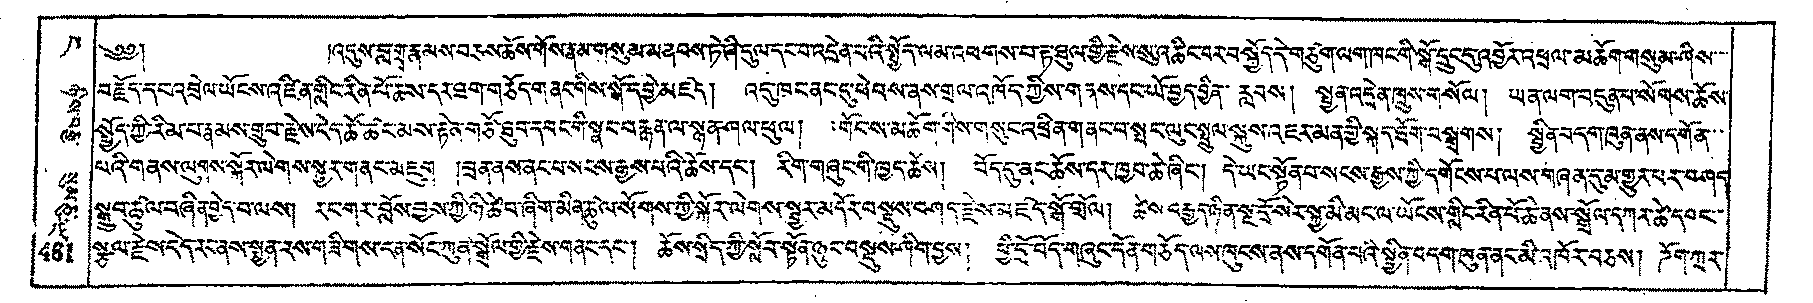༄༅། །འདུས་བླ་གྲྭ་རྣམས་བཅས་ཆོས་གོས་རྣམ་གསུམ་མནབས་ཏེ་ཞི་དུལ་དང་བ་འདྲེན་པའི་སྤྱོད་ལམ་འཕགས་པ་རྟ་ཐུལ་གྱི་རྗེས་སུ་འཆིང་བར་བསྐྱོད་དེ་གཙུག་ལག་ཁང་གི་སྒོ་དྲུང་དུ་འབྱོར་འཕྲལ་མཆོག་གསུམ་ཤིས་
བརྗོད་དང་འབྲེལ་ཡོངས་འཛིན་གླིང་རིན་པོ་ཆེས་དར་ཐག་གཅོད་གནང་གིས་སྒོ་དབྱེ་མཛད། འདུ་ཁང་ནང་དུ་ཕེབས་ནས་གྲལ་འཁོད་ཀྱིས་གནས་དང་ཡོ་བྱད་བྱིན་རླབས། སྤྱན་འདྲེན་ཁྲུས་གསོལ། ཡན་ལག་བདུན་པ་སོགས་ཆོས་
སྤྱོད་ཀྱི་རིམ་པ་རྣམས་གྲུབ་རྗེས་ངེད་ཚོ་ཚང་མས་རྟེན་གཙོ་ཐུབ་དབང་གི་སྣང་བརྙན་ལ་སྙན་ཤལ་ཕུལ། ༧གོང་ས་མཆོག་གིས་གསུང་འཕྲིན་གནང་བ་སྤང་ལུང་སྤྲུལ་སྐུས་འཇར་མན་གྱི་སྐད་ཐོག་བསྒྲགས། སྦྱིན་བདག་ཁུན་ནས་དགོན་
པའི་གནས་ལུགས་སྐོར་ལེགས་སྦྱར་གནང་མཇུག །ཕྲན་ནས་ནང་པ་སངས་རྒྱས་པའི་ཆོས་དང་། རིག་གཞུང་གི་ཁྱད་ཆོས། བོད་དུ་ནང་ཆོས་དར་ཁྱབ་ཆེ་ཞིང་། དེ་ཡང་སྟོན་པ་སངས་རྒྱས་ཀྱི་དགོངས་པ་ལས་གཞན་དུ་མ་གྱུར་པར་བཤད་
སྒྲུབ་ཚུལ་བཞིན་བྱེད་པ་ལས། རང་གར་བློས་བྱས་ཀྱི་ཉི་ཚེ་བ་ཞིག་མིན་ཚུལ་སོགས་ཀྱི་སྐོར་ལེགས་སྦྱར་མདོར་བསྡུས་བཤད་རྗེས་མཛད་སྒོ་གྲོལ། ཚེས་བརྒྱད་ཉིན་སྔ་དྲོ་སེར་སྐྱ་མི་མང་ལ་ཡོངས་གླིང་རིན་པོ་ཆེ་ནས་སྒྲོལ་དཀར་ཚེ་དབང་
སྩལ་རྗེས་ངེད་རང་ནས་སྤྱན་རས་གཟིགས་ངན་སོང་ཀུན་སྒྲོལ་གྱི་རྗེས་གནང་དང་། ཆོས་སྲིད་ཀྱི་སློབ་སྟོན་ཉུང་བསྡུས་ཤིག་བྱས། ཕྱི་དྲོ་བོད་གཞུང་དོན་གཅོད་ལས་ཁུངས་ནས་དགོན་པའི་སྦྱིན་བདག་ཁུན་ནང་མི་འཁོར་བཅས། ཌོག་ཀྲར་